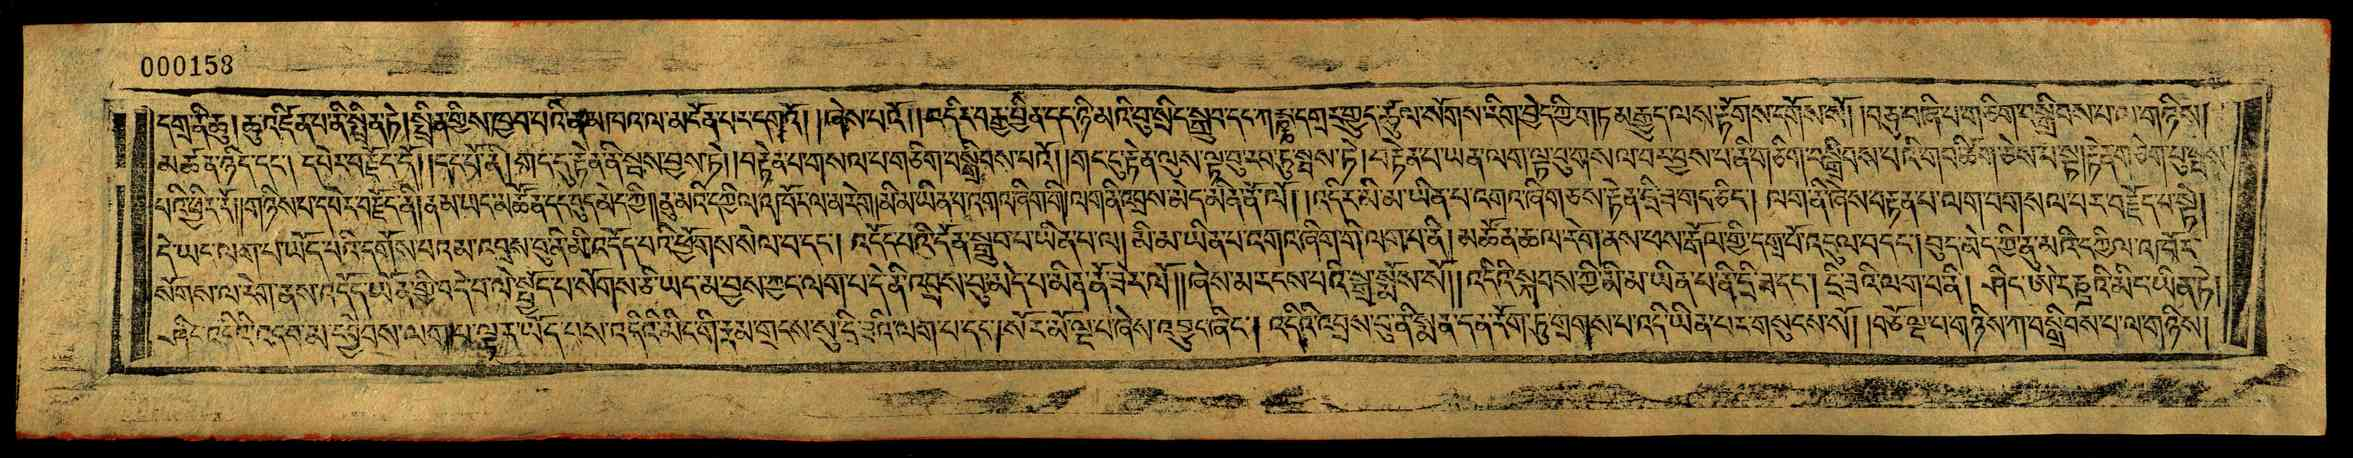དགྲ་ནི་ཆུ། ཆུ་འཛིན་པ་ནི་སྤྲིན་ཏེ། སྤྲིན་གྱིས་ཁྱབ་པའི་ནམཁའ་ལ་མངོན་པར་དགའོ། །ཞེས་པའོ། །འདིར་བརྒྱ་བྱིན་དང་ཉི་མའི་བུ་སྲིད་སྒྲུབ་དང་ཀངྞྞ་དགྲར་གྱུར་ཚུལ་སོགས་རིག་བྱེད་ཀྱི་གཏན་རྒྱུད་ལས་རྟོགས་དགོས་སོ། །བཅུ་བཞི་པ་གཅིག་བསྒྲིབས་པ་ལ་གཉིས།
མཚན་ཉིད་དང་། དཔེར་བརྗོད་དོ། །དང་པོ་ནི། གང་དུ་རྟེན་ནི་སྦས་བྱས་ཏེ། །བརྟེན་པ་གསལ་བ་གཅིག་བསྒྲིབས་པའོ། །གང་དུ་རྟེན་ལུས་ལྟ་བུ་རབ་ཏུ་སྦས་ཏེ། བརྟེན་པ་ཡན་ལག་ལྟ་བུ་གསལ་བར་བྱས་པ་ནི་གཅིག་བསྒྲིབས་པའི་གབ་ཚིག་ཅེས་པ་སྟེ། རྟེན་གཅིག་པུ་སྦས་
པའི་ཕྱིར་རོ། །གཉིས་པ་དཔེར་བརྗོད་ནི། ནམ་ཡང་མཚོན་དང་བུད་མེད་ཀྱི། །ནུ་མའི་དཀྱིལ་འཁོར་ལ་མ་རེག། མི་མ་ཡིན་པ་འགའ་ཞིག་གི། ལག་ནི་འབྲས་མེད་མིན་ནོ་ལོ། །འདིར་མི་མ་ཡིན་པ་འགའ་ཞིག་ཅེས་རྟེན་དྲི་ཟ་གབ་ཅིང་། ལག་ནི་ཞེས་བརྟན་པ་ལག་པ་གསལ་བར་བརྗོད་པ་སྟེ།
དེ་ཡང་ལག་པ་ཡོད་པའི་དགོས་པའམ་འབྲས་བུ་ནི་མི་འདོད་པའི་ཕྱོགས་སེལ་བ་དང་། འདོད་པའི་དོན་སྒྲུབ་པ་ཡིན་པ་ལ། མི་མ་ཡིན་པ་འགའ་ཞིག་གི་ལག་པ་ནི། མཚོན་ཆ་ལ་རེག་ནས་ཕས་རྒོལ་གྱི་དགྲ་བོ་འདུལ་བ་དང་། བུད་མེད་ཀྱི་ནུ་མའི་དཀྱིལ་འཁོར་
སོགས་ལ་རེག་ནས་འདོད་ཡོན་གྱི་བདེ་བ་ལ་སྤྱོད་པ་སོགས་ཅི་ཡང་མ་བྱས་ཀྱང་ལག་པ་དེ་ནི་འབྲས་བུ་མེད་པ་མིན་ནོ་ཟེར་ལོ། །ཞེས་མ་རངས་པའི་སྒྲ་སྨོས་སོ། །འདིའི་སྐབས་ཀྱི་མི་མ་ཡིན་པ་ནི་དྲི་ཟ་དང་། དྲི་ཟའི་ལག་པ་ནི། ཤིང་ཨེརྞྜཱི་མིང་ཡིན་ཏེ།
ཤིང་འདིའི་འདབ་མ་དབྱིབས་ལག་པ་ལྟར་ཡོད་པས་འདིའི་མིང་གི་རྣམ་གྲངས་སུ་དྲི་ཟའི་ལག་པ་དང་། སོར་མོ་ལྔ་པ་ཞེས་འབྱུང་ཞིང་། འདིའི་འབྲས་བུ་ནི་སྨན་ངན་རོག་ཏུ་གྲགས་པ་འདི་ཡིན་པར་གསུངས་སོ། །བཅོ་ལྔ་པ་གཉིས་ཀ་བསྒྲིབས་པ་ལ་གཉིས།